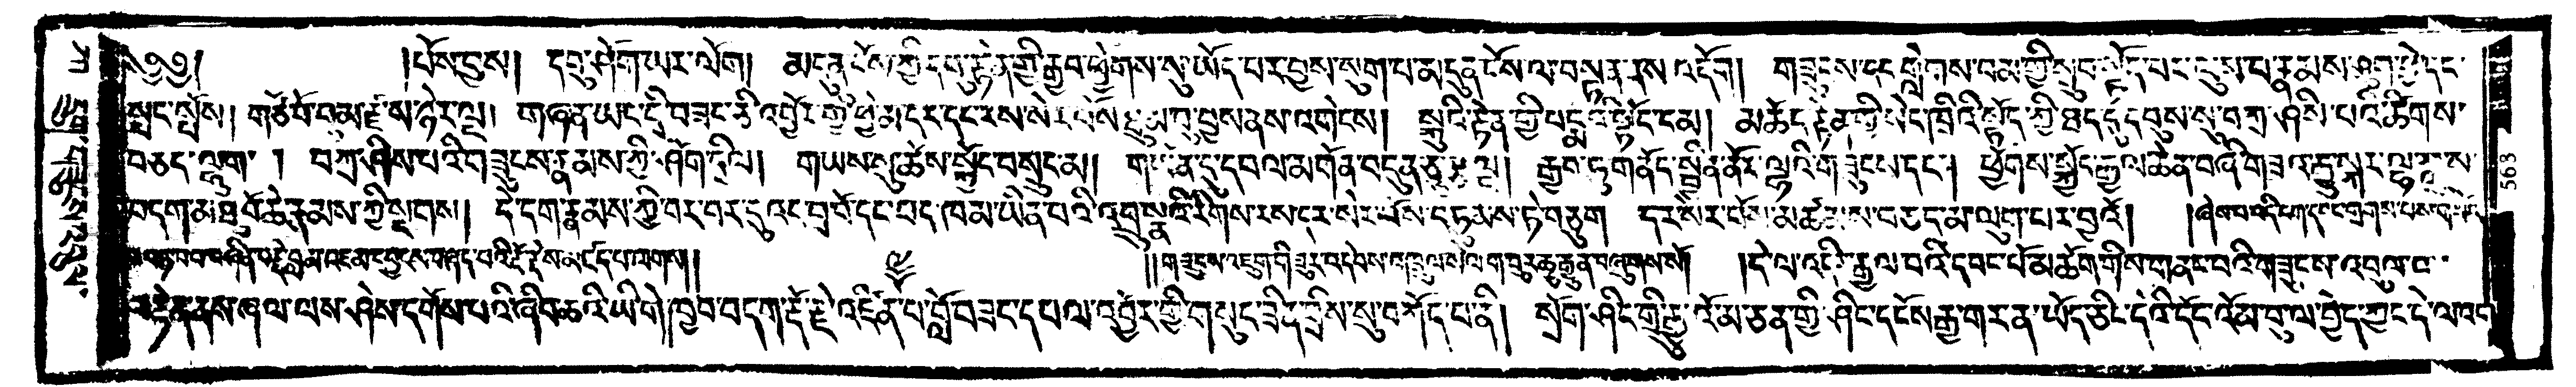༄༅། །པོས་བྱས། དབུ་ཤོག་ཡར་ལོག །མདུན་ངོས་ཀྱི་དབུ་རྟེན་གྱི་རྒྱབ་ཕྱེགས་སུ་ཡོད་པར་བྱས་སུག་པ་མདུན་ངོས་ལ་བསྟན་ནས་འདོག །གཟུངས་དང་གླེགས་བམ་གྱིས་སྲུང་སྟོད་པར་དུ་ས་བ་རྣམས་ཤུག་ཕྱེད་དང་
སྤང་སྤོས། གཙོ་བོ་བུམ་ཛ་ས་ཉེར་ལྔ། གཞན་ཡང་དྲི་བཟང་ཅི་འབྱོར་གྱི་ཕྱེ་མ་དང་དང་རས་སེར་པོས་སྡུམ་བུ་བྱས་ནས་འགེངས། སྐུའི་རྟེན་གྱི་པདམའི་སྟོད་དམ། མཆོད་རྟེན་གི་སེང་ཁྲིའི་སྟོད་ཀྱི་ཐད་དུ་དབུས་སུ་བཀྲ་ཤིས་པའི་ཚིགས་
བཅད་ལྷུག །བཀྲ་ཤིས་པའི་གཟུངས་རྣམས་ཀྱི་ཤོག་དྲིལ། གཡས་སུ་ཆོས་སྐྱོང་བསྲུང་མ། གཡོན་དུ་དབལ་མགོན་བདུན་ཅུ་རྩ་ལྔ། རྒྱབ་ཏུ་གནོད་སྦྱིན་ནོར་ལྷའི་གཟུངས་དང་། ཕྱོགས་སྐྱོང་རྒྱལ་ཆེན་བཞི་གཟའ་རྒྱུ་སྐར་ལྷ་སྦ་ས་
བདག་མཐུ་བོ་ཆེ་རྣམས་ཀྱི་སྔགས། དེ་དག་རྣམས་ཀྱི་བར་བར་དུའང་བྲ་བོ་དང་བད་ཁམ་ཡིན་པའི་འགྲུ་སྣའི་རིགས་རས་དར་སེར་པོས་བཏུམས་ཏེ་བཅུག་དར་སེར་པོས་མཚམས་བཅད་མ་ལུག་པར་བྱའོ། །ཞེས་པ་འདི་ངག་དབང་གྲགས་པས་གསང་
བྙ?་བ་བཞིན་བརྡེ་བླ་མ་འཇམ་དབྱངས་བཤད་པའི་རྡོ་རྗེས་མཛད་པ་ལགས།། ༈ །།གཟུངས་འཇུག་གི་ཟུར་བདེབས་འཁྲུལ་སེལ་ག་བུར་ཆུ་རྒྱུན་བཞུགས་སོ། །དེ་ལ་འདིར་རྒྱལ་བའི་དབང་པོ་མཆོག་གིས་གནང་བའི་གཟུངས་འབུལ་བ་
བརྟེན་ནས་ཞལ་ལས་ཤེས་དགོས་པའི་ཞིབ་ཆའི་ཡི་གེ་ཁྱབ་བདག་རྡོ་རྗེ་འཛིན་པ་བློ་བཟང་དཔལ་འབྱོར་གྱི་གཟུང་ཟིན་བྲིས་སུ་བཀོད་པ་ནི། སྲོག་ཤིང་རྒྱུ་འོ་མ་ཅན་གྱི་ཤིང་དངོས་རྒྱ་གར་ན་ཡོད་ཅིང་དེའི་དོང་འོ་མ་བུ་ལ་བྱེད་ཀྱང་དེ་ལའང་